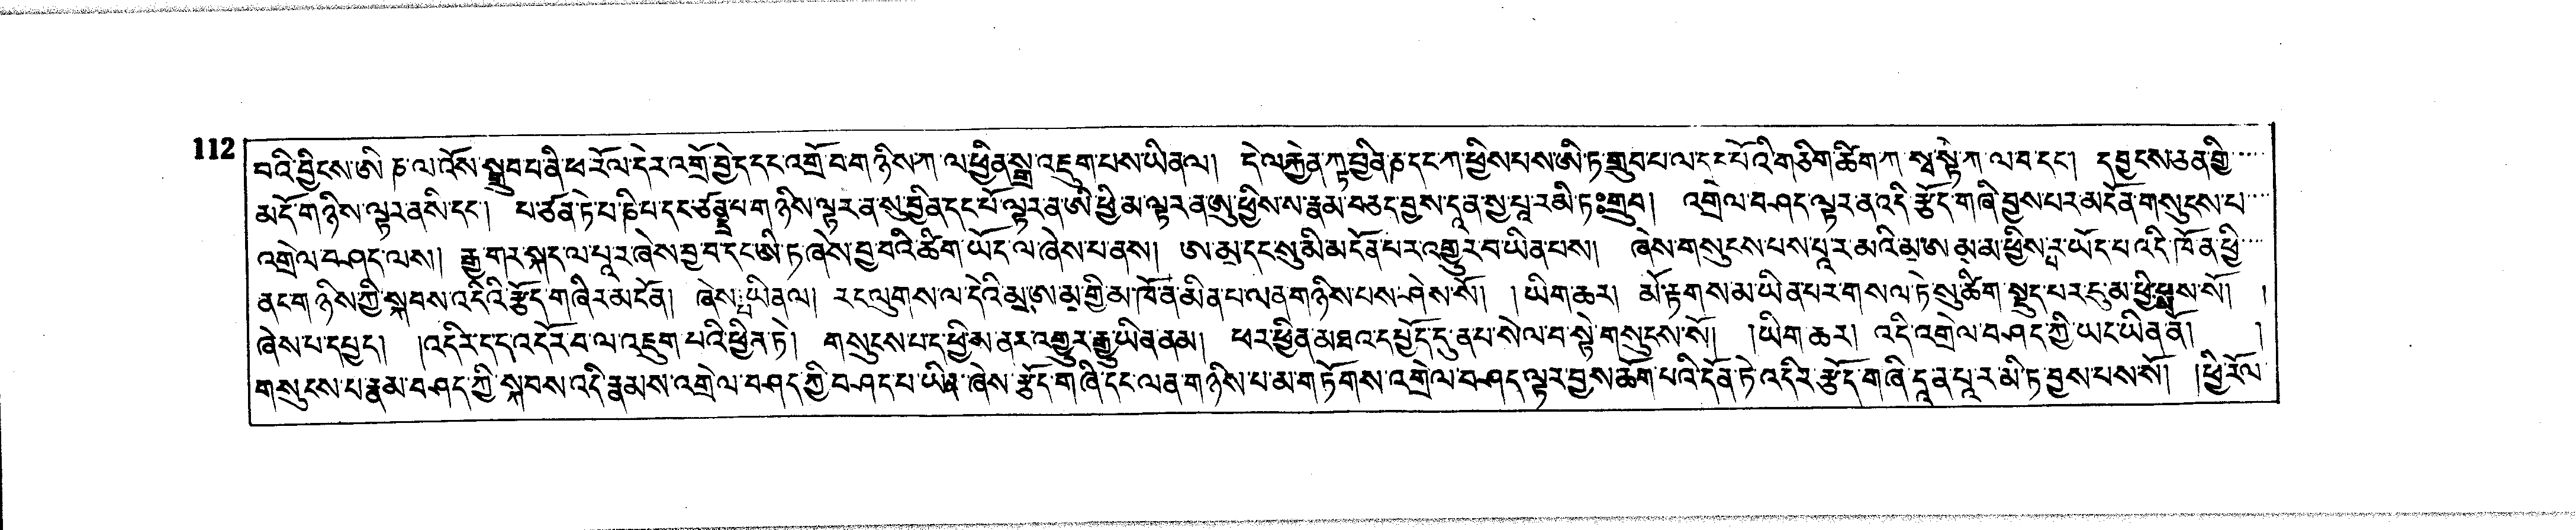བའི་བྱིངས་ཨི་ཎ་ལ་འོས་སྒྲུབ་པ་ནི་ཕ་རོལ་དེར་འགྲོ་བྱེད་དང་འགྲོ་བ་གཉིས་ཀ་ལ་ཕྱིན་སྒྲ་འཇུག་པས་ཡིན་ལ། དེ་ལ་རྐྱེན་ཀྟ་ཕྱིན་ཎ་དང་ཀ་ཕྱིས་པས་ཨི་ཏ་གྲུབ་པ་ལ་དང་པོའི་གཅིག་ཚིག་ཀ་སྭ་སྟེ་ཀ་ལབ་དང་། དབྱངས་ཅན་གྱི་
མདོ་གཉིས་ལྟར་ན་སི་དང་། པ་ཙན་ཏེ་པ་ཎི་པ་དང་ཙནྡྲ་པ་གཉིས་ལྟར་ན་སུ་བྱིན་དང་པོ་ལྟར་ན་ཨི་ཕྱི་མ་ལྟར་ན་ཨུ་ཕྱིས་ས་རྣམ་བཅད་བྱས་དཱ་ན་སྱ་པཱ་ར་མི་ཏཿ གྲུབ། འགྲེལ་བཤད་ལྟར་ན་འདི་རྩོད་གཞི་བྱས་པར་མངོན་གསུངས་པ་
འགྲེལ་བཤད་ལས། རྒྱ་གར་སྐད་ལ་པཱ་ར་ཞེས་བྱ་བ་དང་ཨི་ཏ་ཞེས་བྱ་བའི་ཚིག་ཡོད་ལ་ཞེས་པ་ནས། ཨ་མྲ་དང་སུ་མི་མངོན་པར་འགྱུར་བ་ཡིན་པས། ཞེས་གསུངས་པས་པཱ་ར་མའི་མ་ཨ་མ་མ་ཕྱིས་པར་ཡོད་པ་འདི་ཁོ་ན་ཕྱི་
ནང་གཉིས་ཀྱི་སྐབས་འདིའི་རྩོད་གཞིར་མངོན། ཞེས་པ་ཡིན་ལ། རང་ལུགས་ལ་དེའི་མྲ་ཨ་མ་གྱི་མ་ཁོ་ན་མིན་པ་ལན་གཉིས་པས་ཤེས་སོ། །ཡིག་ཆར། མོ་རྟགས་མ་ཡིན་པར་གསལ་ཏེ་སུ་ཚིག་སྡུད་པར་དུ་མ་ཕྱིས་པས་སོ། །
ཞེས་པ་དཔྱད། །འདིར་ད་ད་འདོར་བ་ལ་འཇུག་པའི་ཕྱིན་ཏེ། གསུངས་པ་ད་ཕྱི་མ་ནར་འགྱུར་རྒྱུ་ཡིན་ནམ། ཕར་ཕྱིན་མཐའ་དཔྱོད་དུ་ན་པ་སེལ་བ་སྟེ་གསུངས་སོ། །ཡིག་ཆར། འདི་འགྲེལ་བཤད་ཀྱི་ཡང་ཡིན་ནོ། །
གསུངས་པ་རྣམ་བཤད་ཀྱི་སྐབས་འདི་རྣམས་འགྲེལ་བཤད་ཀྱི་བཤད་པ་ཡིན་ཞེས་རྩོད་གཞི་དང་ལན་གཉིས་པ་མ་གཏོགས་འགྲེལ་བཤད་ལྟར་བྱས་ཆོག་པའི་དོན་ཏེ་འདིར་རྩོད་གཞི་དཱ་ན་པཱ་ར་མི་ཏ་བྱས་པས་སོ། །ཕྱི་རོལ་